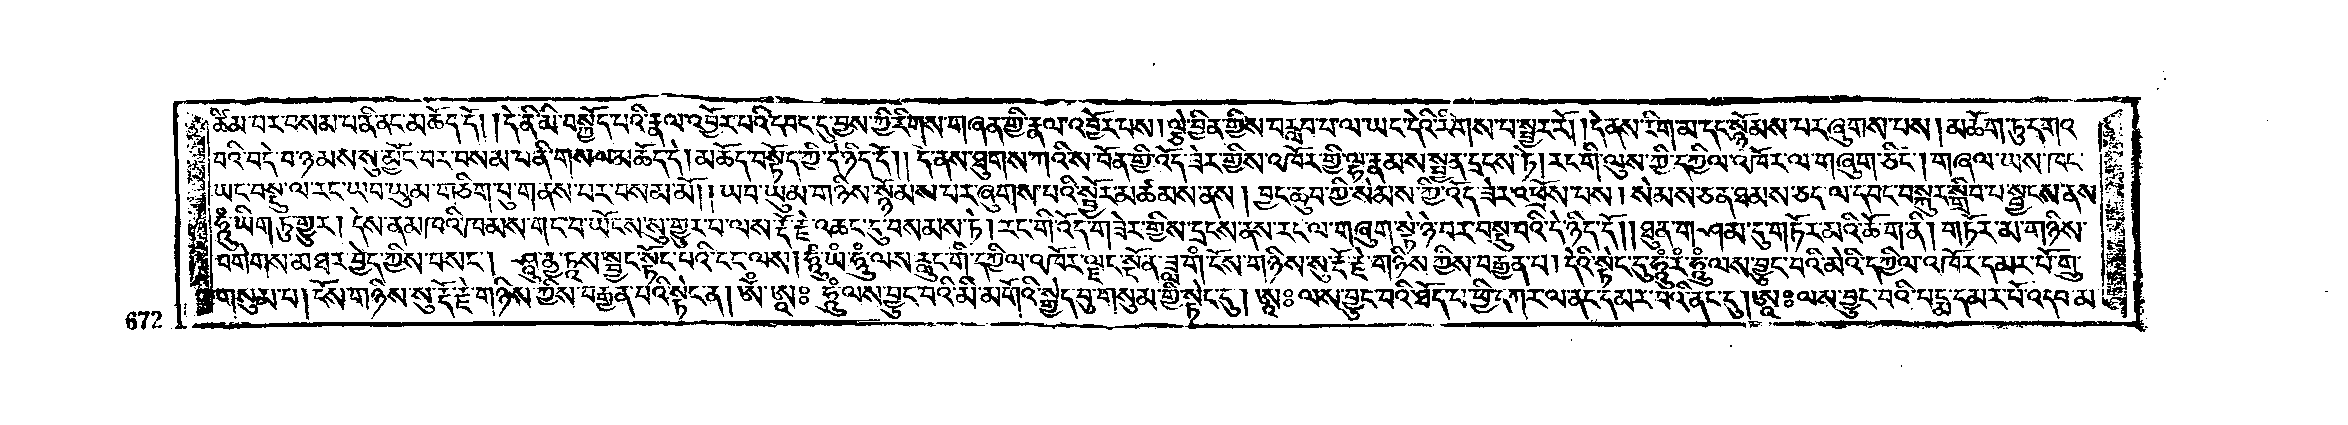ཚིམ་པར་བསམ་པ་ནི་ནང་མཆོད་དོ། །དེ་ནི་མི་བསྐྱོད་པའི་རྣལ་འབྱོར་པའི་དབང་དུ་བྱས་ཀྱི་རིགས་གཞན་གྱི་རྣལ་འབྱོར་པས། ལྕེ་བྱིན་གྱིས་བརླབ་པ་ལ་ཡང་དེའི་རིགས་པ་སྦྱར་རོ། །དེ་ནས་རིག་མ་དང་སྙོམས་པར་ཞུགས་པས། མཆོག་ཏུ་དགའ་
བའི་བདེ་བ་ཉམས་སུ་མྱོང་བར་བསམ་པ་ནི་གསང་མཆོད་དེ། མཆོད་བསྟོད་ཀྱི་དེ་ཉིད་དོ། །དེ་ནས་ཐུགས་ཀའི་ས་བོན་གྱི་འོད་ཟེར་གྱིས་འཁོར་གྱི་ལྷ་རྣམས་སྤྱན་དྲངས་ཏེ། རང་གི་ལུས་ཀྱི་དཀྱིལ་འཁོར་ལ་གཞུག་ཅིང་། གཞལ་ཡས་ཁང་
ཡང་བསྡུ་ལ་རང་ཡབ་ཡུམ་གཅིག་པུ་གནས་པར་བསམ་མོ། །ཡབ་ཡུམ་གཉིས་སྙོམས་པར་ཞུགས་པའི་སྦྱོར་མཚམས་ནས། བྱང་ཆུབ་ཀྱི་སེམས་ཀྱི་འོད་ཟེར་འཕྲོས་པས། སེམས་ཅན་ཐམས་ཅད་ལ་དབང་བསྐུར་སྒྲིབ་པ་སྦྱངས་ནས་
ཧཱུཾ་ཡིག་ཏུ་གྱུར། དེས་ནམ་མཁའི་ཁམས་གང་བ་ཡོངས་སུ་གྱུར་པ་ལས་རྡོ་རྗེ་འཆང་དུ་བསམས་ཏེ། རང་གི་འོད་ཟེར་གྱིས་དྲངས་ནས་རང་ལ་གཞུག་སྟེ་ཉེ་བར་བསྡུ་བའི་དེ་ཉིད་དོ། །ཐུན་གཤམ་དུ་གཏོར་མའི་ཆོ་ག་ནི། གཏོར་མ་གཉིས་
བགེགས་མཐར་བྱེད་ཀྱིས་བསང་། ཤཱུ་ནྱ་ཏཱས་སྦྱང་སྟོང་པའི་ངང་ལས། ཧཱུཾ་ཡཾ་ཧཱུཾ་ལས་རུང་གི་དཀྱིལ་འཁོར་ལྗང་སྔོན་ཟླ་གཾ་ངོས་གཉིས་སུ་རྡོ་རྗེ་གཉིས་ཀྱིས་བརྒྱན་པ། དེའི་སྟེང་དུ་ཧཱུཾ་རཾ་ཧཱུཾ་ལས་བྱུང་བའི་མེའི་དཀྱིལ་འཁོར་དམར་པོ་གྲུ་
གསུམ་པ། ངོས་གཉིས་སུ་རྡོ་རྗེ་གཉིས་ཀྱིས་བརྒྱན་པའི་སྟེང་ན། ཨོཾ་ཨཱཿ ཧཱུཾ་ལས་བྱུང་བའི་མི་མགོའི་སྐྱེད་བུ་གསུམ་གྱི་སྟེང་དུ། ཨཱཿ ལས་བྱུང་བའི་ཐོད་པ་ཕྱི་དཀར་ལ་ནང་དམར་བའི་ནང་དུ། ཨཱཿ ལས་བྱུང་བའི་པདམ་དམར་པོ་འདབ་མ་